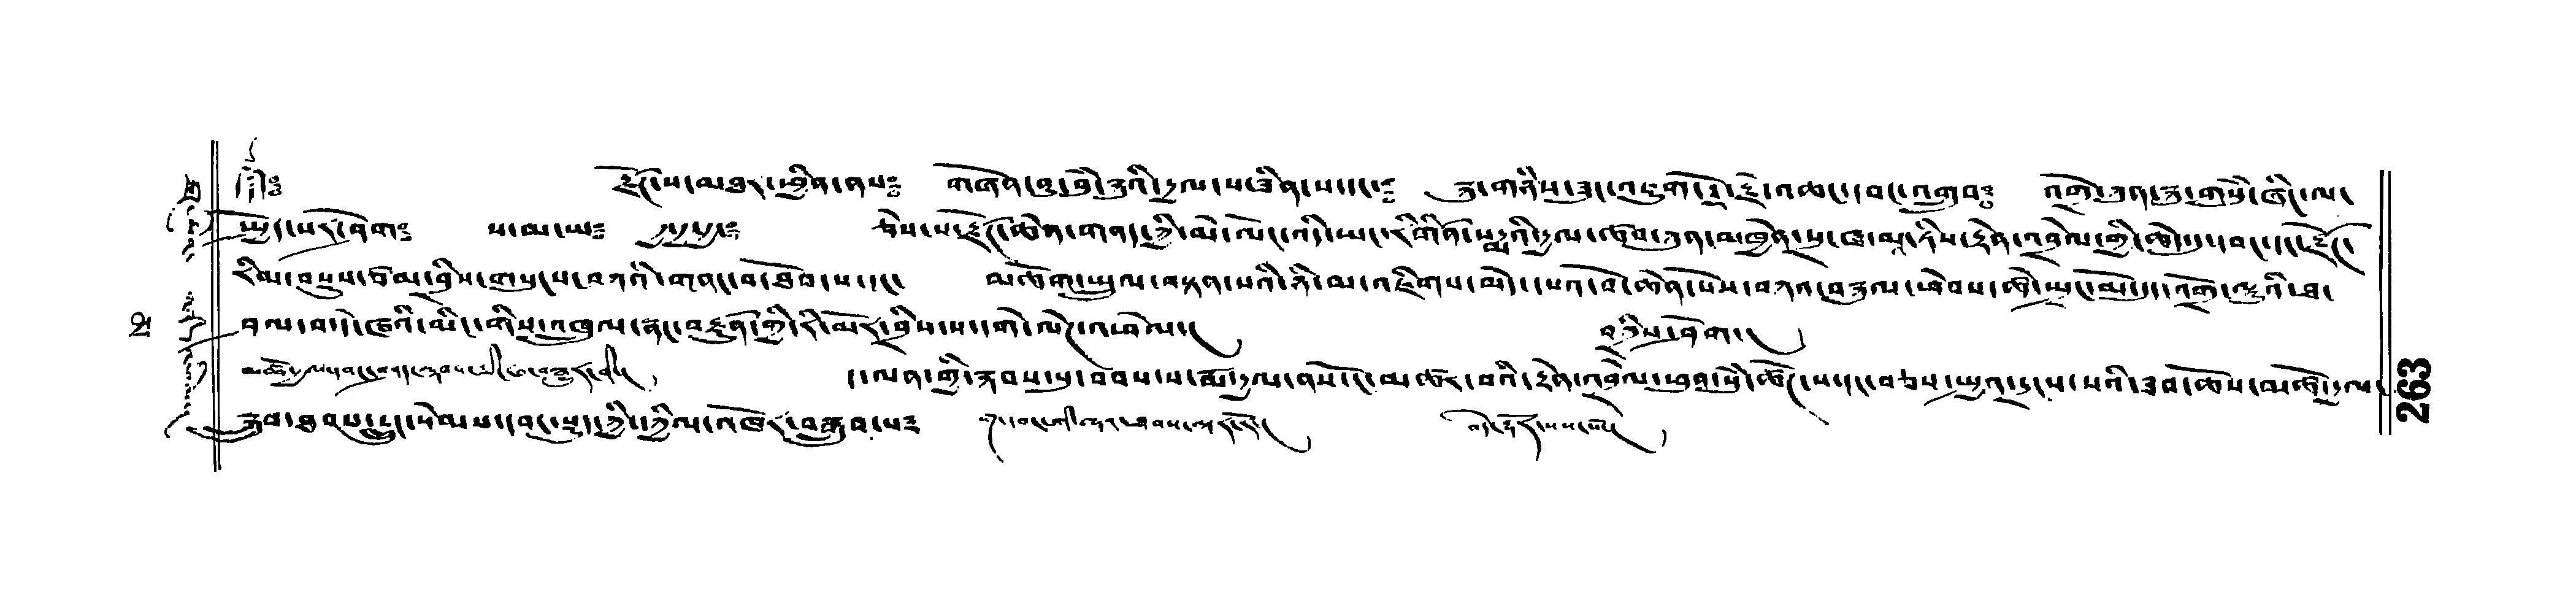རྫོགས་པ་མཐར་ཕྱིན་ནས༔ གཞོན་ནུ་བུམ་སྐུའི་རྒྱལ་ས་ཟིན་པ་དང༔ སྐུ་གཉིས་ཟུང་འཇུག་རྡོ་རྗེ་འཆང་དབང་འགྲུབ༔ འགྲོ་ཀུན་སྐུ་གསུམ་ཞིང་ལ་
སྤྱོད་པར་ཤོག༔ ས་མ་ཡ༔ རྒྱ་རྒྱ་རྒྱ༔ ཅེས་པ་རྫོགས་ཆེན་གནད་ཀྱི་མེ་ལོང་འདི་ཡང་རིག་འཛིན་པདྨའི་རྒྱལ་ཚབ་ཀུན་མཁྱེན་བྲ་ཝ་མཱ་ཏིས་རྟེན་འབྲེལ་གྱི་ཆེད་དུ་དབང་དང་རྫོགས་
རིམ་བསྡུས་ཙམ་བྲིས་གསུངས་བཀའི་གནང་བ་ཐོབ་པ་དང༔ མཆོག་སྤྲུལ་བསྟན་པའི་ཉི་མ་འཇིགས་མེད་དཔའ་བོ་ཆེན་པོས་བཀའ་བསྐུལ་ཕེབས་ཚེ་སྤྲང་མོ་དུད་འགྲོ་ལྟ་བུའི་ཐ་
ཤལ་བ་དེ་ཝའི་མིང་གིས་འཁྲུལ་སྣང་བརྫུན་གྱི་རི་མོར་བྲིས་པ་དགེ་ལེགས་འཕེལ།། བཀྲ་ཤིས་ཤོག །། 
མཚོ་རྒྱལ་དབང་བཤད་སྐབས་ཀྱི་ཁ་བསྒྱུར་ནི། ད་ལན་གྱི་སྐབས་སུ་བབས་པ་རྨ་རྒྱལ་ནས་ངོ་མཚར་བའི་རྟེན་འབྲེལ་ཕུན་སུམ་ཚོགས་པ་དང་བཅས་སྤྱན་དྲངས་པའི་ཟབ་ཆོས་མཚོ་རྒྱལ་
སྒྲུབ་ཐབས་རླུང་སེམས་དབང་སྡུད་ཀྱི་དཀྱིལ་འཁོར་བསྒྲུབ་པ་སོགས་དབང་གི་ལྷན་ཐབས་ལྟར་རོ།། བདེ་རྡཽར་པས་སོ།།